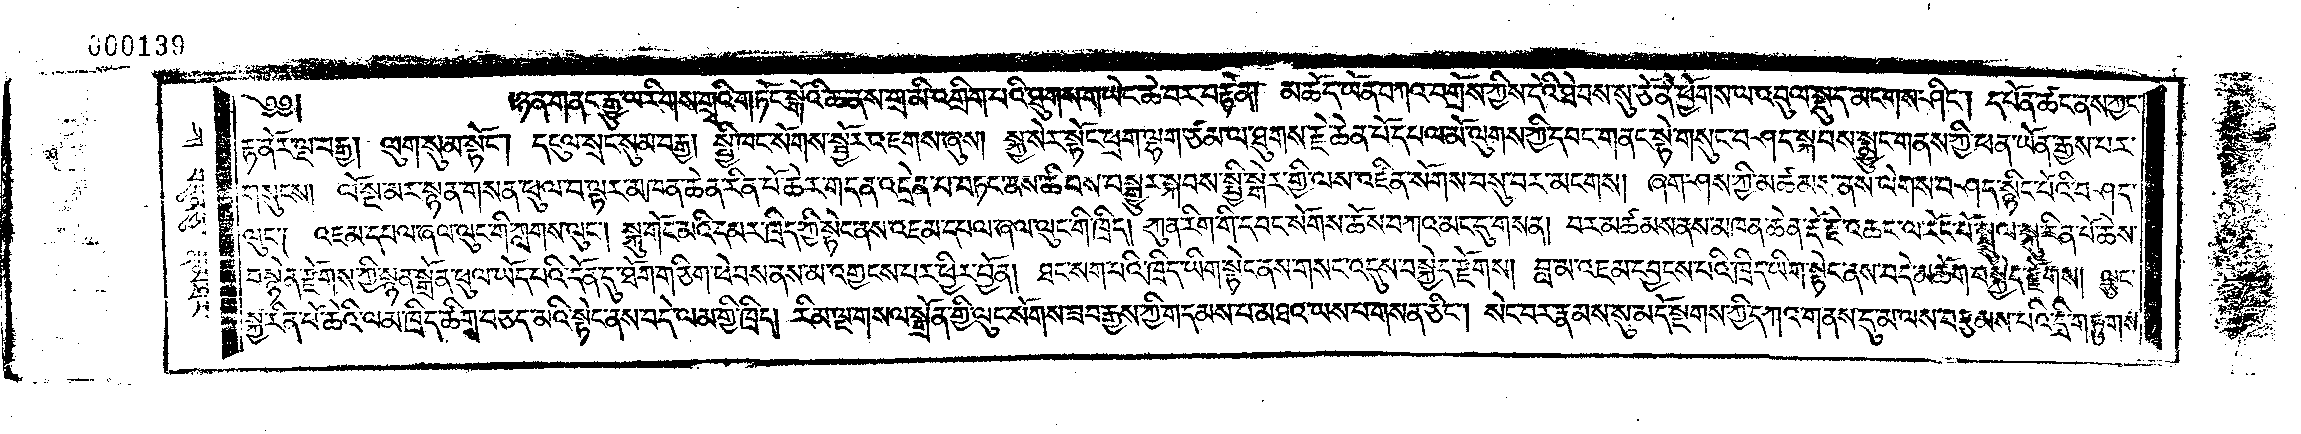༄༅། །ཉན་གནང་རྒྱུ་ལ་རིགས་གྲྭའི་གཏོང་སྒོའི་ཆ་ནས་གྲ་མི་འགྲིག་པའི་ཐུགས་གཡེང་ཆེ་བར་བརྟེན། མཆོད་ཡོན་བཀའ་བགྲོས་ཀྱིས་དེའི་ཐེབས་སུ་ཅོ་ནི་ཕྱོགས་ལ་འབུལ་སྡུད་མངགས་ཤིང་། དཔོན་ཚང་ནས་ཀྱང་
རྟ་ནོར་ལྔ་བརྒྱ། ལུག་སུམ་སྟོང་། དངུལ་སྲང་སུམ་བརྒྱ། སྤྱི་ཁང་སོགས་སྦྱོར་འཇགས་ཞུས། སྐྱ་སེར་སྟོང་ཕྲག་ལྷག་ཙམ་ལ་ཐུགས་རྗེ་ཆེན་པོ་དཔལ་མོ་ལུགས་ཀྱི་དབང་གནང་སྟེ་གསུང་བཤད་སྐབས་སྨྱུང་གནས་ཀྱི་ཕན་ཡོན་རྒྱས་པར་
གསུངས། ལོ་སྔ་མར་སྙན་གསན་ཕུལ་བ་ལྟར་མཁན་ཆེན་རིན་པོ་ཆེར་གདན་འདྲེན་པ་བཏང་ནས་ཆིབས་བསྒྱུར་སྐབས་སྤྱི་སྒེར་གྱི་ལས་འཛིན་སོགས་བསུ་བར་མངགས། ཞག་ཤས་ཀྱི་མཚམས་ནས་ལེགས་བཤད་སྙིང་པོའི་བཤད་
ལུང༑ འཇམ་དཔལ་ཞལ་ལུང་གི་ཀླགས་ལུང་། སྐུ་གོང་མའི་དམར་ཁྲིད་ཀྱི་སྟེང་ནས་འཇམ་དཔལ་ཞལ་ལུང་གི་ཁྲིད། ཀུན་རིག་གི་དབང་སོགས་ཆོས་བཀའ་མང་དུ་གསན། བར་མཚམས་ནས་མཁན་ཆེན་རྡོ་རྗེ་འཆང་ལ་རོང་པོ་སྤྲུལ་སྐུ་རིན་པོ་ཆེས་
བསྙེན་རྫོགས་ཀྱི་སྙན་སྒྲོན་ཕུལ་ཡོད་པའི་དོན་དུ་ཐོག་གཅིག་ཕེབས་ནས་མ་འགྱངས་པར་ཕྱིར་བྱོན། ཐང་སག་པའི་ཁྲིད་ཡིག་སྟེང་ནས་གསང་འདུས་བསྐྱེད་རྫོགས། བླ་མ་འཇམ་དབྱངས་པའི་ཁྲིད་ཡིག་སྟེང་ནས་བདེ་མཆོག་བསྐྱེད་རྫོགས། ལྕང་
སྐྱ་རིན་པོ་ཆེའི་ལམ་ཁྲིད་ཚིགས་བཅད་མའི་སྟེང་ནས་བདེ་ལམ་གྱི་ཁྲིད། རིམ་ལྔ་གསལ་སྒྲོན་གྱི་ལུང་སོགས་ཟབ་རྒྱས་ཀྱི་གདམས་པ་མཐའ་ཡས་པ་གསན་ཅིང་། སེང་བར་རྣམས་སུ་མདོ་སྔགས་ཀྱི་དཀའ་གནས་དུ་མ་ལས་བརྩམས་པའི་དྲི་གཏུགས་